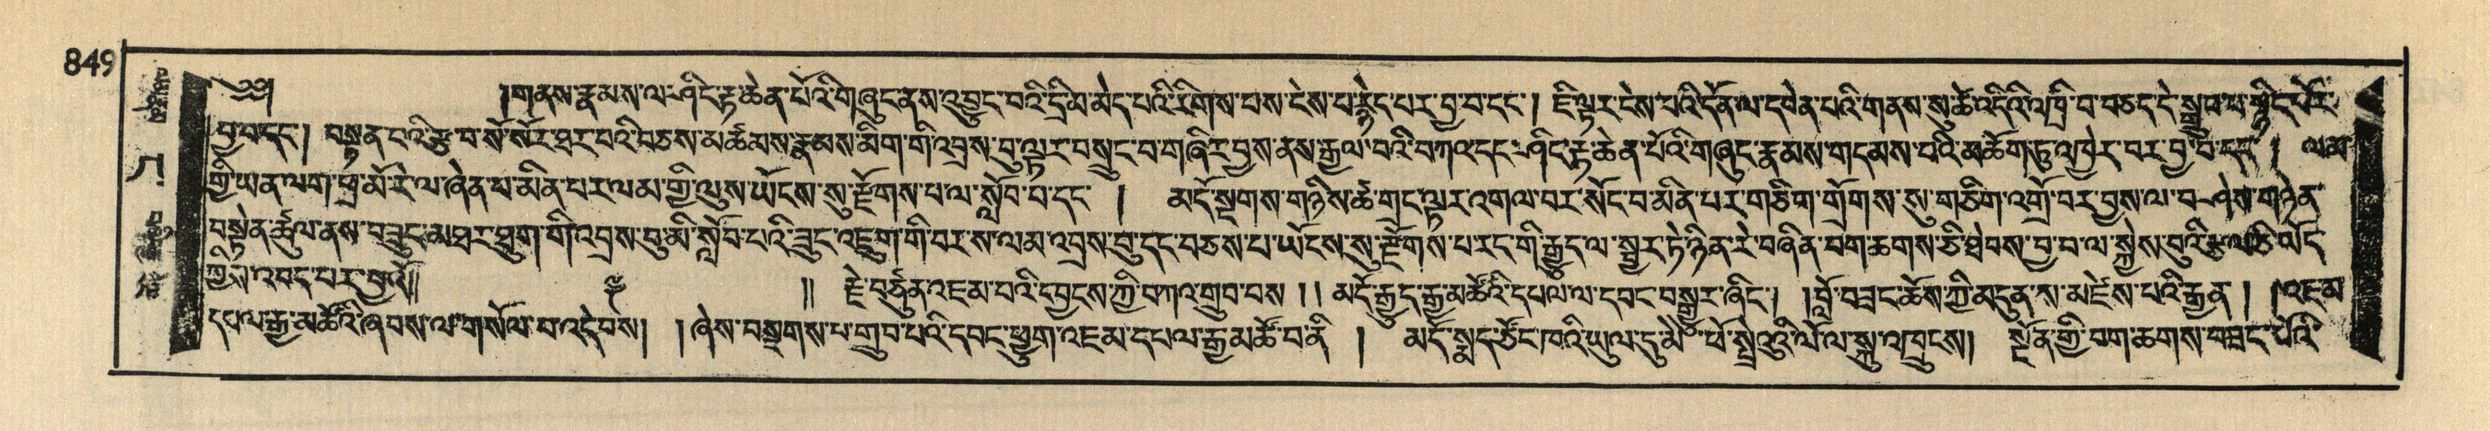༄༅། །གནས་རྣམས་ལ་ཤིང་རྟ་ཆེན་པོའི་གཞུང་ནས་འབྱུང་བའི་དྲི་མ་མེད་པའི་རིགས་པས་ངེས་པ་རྙེད་པར་བྱ་བ་དང་། ཇི་ལྟར་ངེས་པའི་དོན་ལ་དབེན་པའི་གནས་སུ་ཚེ་འདིའི་ཁྲི་བ་བཅད་དེ་སྒྲུབ་པ་སྙིང་པོར་
བྱ་བ་དང་། བསྟན་པའི་རྩ་བ་སོ་སོར་ཐར་པའི་བཅས་མཚམས་རྣམས་མིག་གི་འབྲས་བུ་ལྟར་བསྲུང་བ་གཞིར་བྱས་ནས་རྒྱལ་བའི་བཀའ་དང་ཤིང་རྟ་ཆེན་པོའི་གཞུང་རྣམས་གདམས་པའི་མཆོག་ཏུ་འཁྱེར་བར་བྱ་བ་དང་། ལམ་
གྱི་ཡན་ལག་ཕྲ་མོ་རེ་ལ་ཞེན་པ་མིན་པར་ལམ་གྱི་ལུས་ཡོངས་སུ་རྫོགས་པ་ལ་སློབ་པ་དང་། མདོ་སྔགས་གཉིས་ཚ་གྲང་ལྟར་འགལ་བར་སོང་བ་མིན་པར་གཅིག་གྲོགས་སུ་གཅིག་འགྲོ་བར་བྱས་ལ་བཤེས་གཉེན་
བསྟེན་ཚུལ་ནས་བཟུང་མཐར་ཐུག་གི་འབྲས་བུ་མི་སློབ་པའི་ཟུང་འཇུག་གི་བར་ས་ལམ་འབྲས་བུ་དང་བཅས་པ་ཡོངས་སུ་རྫོགས་པ་རང་གི་རྒྱུད་ལ་སྦྱར་ཏེ་ཉིན་རེ་བཞིན་བག་ཆགས་ཅི་ཐེབས་བྱ་བ་ལ་སྐྱེས་བུའི་རྩ་ལ་ཅི་ཡོད་
ཀྱིས་འབད་པར་བྱའོ།། ༈ །།རྗེ་བཙུན་འཇམ་པའི་དབྱངས་ཀྱི་བཀའ་གྲུབ་པས། །མདོ་རྒྱུད་རྒྱ་མཚོའི་དཔལ་ལ་དབང་བསྒྱུར་ཞིང་། །བློ་བཟང་ཆོས་ཀྱི་མདུན་ས་མཛེས་པའི་རྒྱན། །འཇམ་
དཔལ་རྒྱ་མཚོའི་ཞབས་ལ་གསོལ་པ་འདེབས། །ཞེས་བསྔགས་པ་གྲུབ་པའི་དབང་ཕྱུག་འཇམ་དཔལ་རྒྱ་མཚོ་བ་ནི། མདོ་སྨད་ཙོང་ཁའི་ཡུལ་དུ་མེ་ཕོ་སྤྲེའུའི་ལོ་སྐུ་འཁྲུངས། སྔོན་གྱི་བག་ཆགས་བཟང་པོའི་